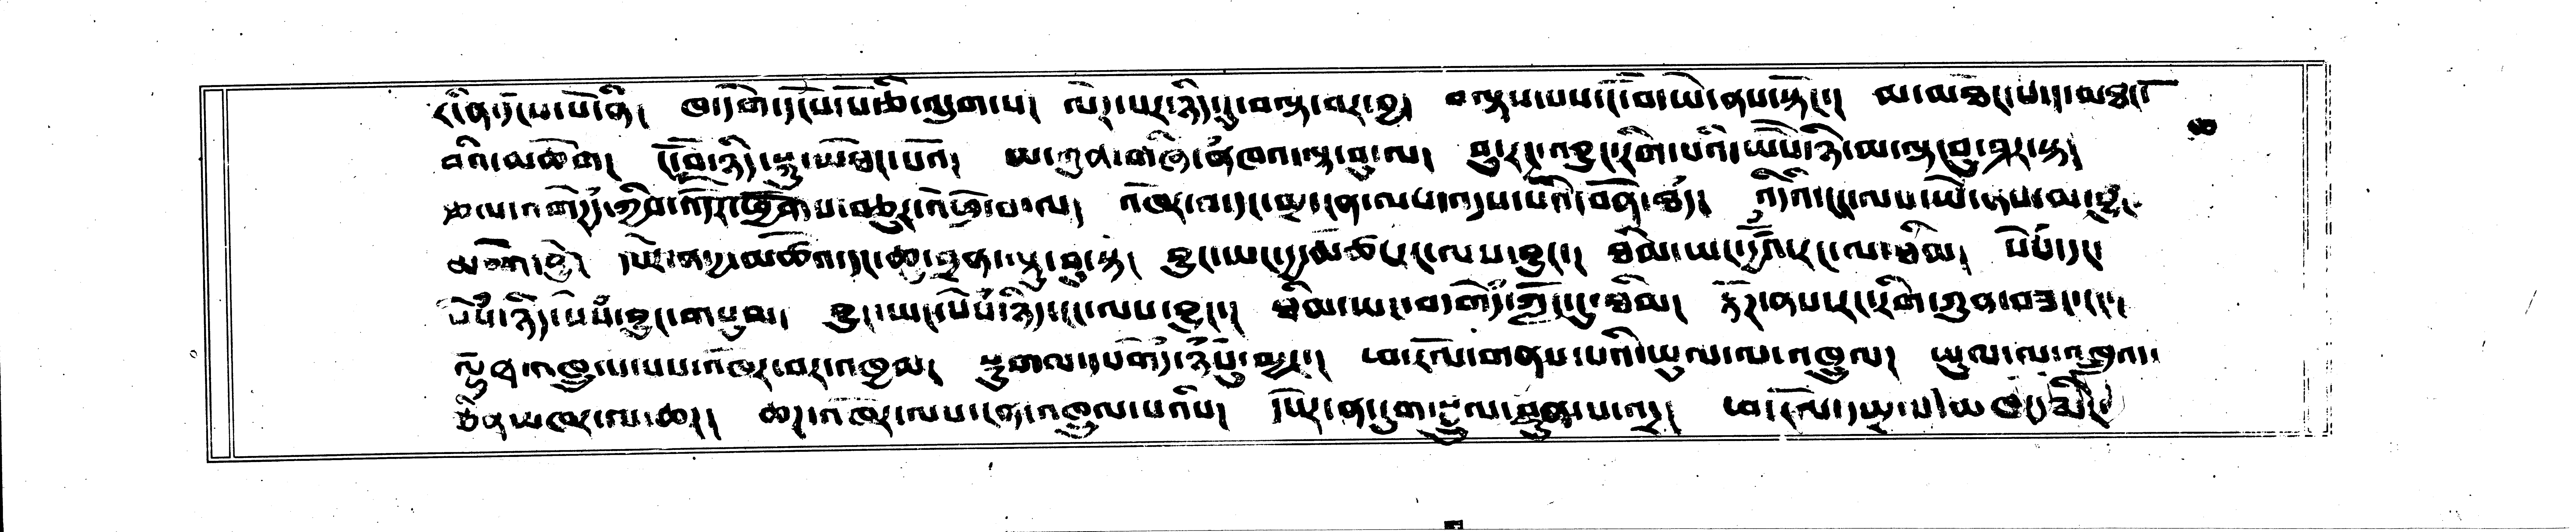རང་བཞིན་དངོས་པོ་ནི། ཁ་དོག་དངོས་པོ་ཅི་འདུག་པ། ལེགས་པར་ཉིད་དུ་བལྟ་བར་བྱ། བལྟས་པས་ངོ་བོ་ཡེ་ནས་སྟོང་། མ་མཐོང་བ་དེ་མཐོང་
བའི་མཆོག ངོ་བོ་ཉིད་སྐུ་མཐོང་བའོ། མ་ཀུན་གཞི་ནམ་མཁའ་ལྟ་བུ་ལ། བུ་རང་འབྱུང་རིག་པའི་ཡེ་ཤེས་ཉི་མ་ལྟ་བུ་ཤར་ཏེ། 
རྩལ་འགག་མེད་ཀྱི་འོད་ཟེར་ཕྱོགས་བཅུར་འཕྲོ་བ་ལ། འཁོར་བ་དང་མྱ་ངན་ལས་འདས་པའི་བོན་ཐམས་ཅད། འདིའི་ངང་ལས་ཡེ་ནས་མ་བྱུང་
༼༽། དཔེར་ན་རྒྱ་མཚོ་དང་ཆུ་བྲན་ལྟ་བུ་ཆུ་བྲན་ལྟ་བུ་སྟེ། བྱུང་ཡང་རྒྱ་མཚོ་ངང་ལས་བྱུང་། ཐིམ་ཡང་རྒྱ་མཚོ་རང་ལ་ཐིམ། སེམས་དང་
སེམས་ཉིད་སེམས་བྱུང་གསུམ། བྱུང་ཡང་སེམས་ཉིད་ངང་ལས་བྱུང་། ཐིམ་ཡང་བདག་མེད་ཀློང་དུ་ཐིམ། རྟོགས་ནས་རང་རིག་ཀུན་བཟང་ངང་། 
མ་རྟོགས་འཁྲུལ་པས་འཁོར་བར་འཁྱམས། སྡུག་བསྔལ་དཔག་མེད་ཉམས་སུ་མྱང་། ཕ་རོལ་གནས་པའི་ཡུལ་ལ་འཁྲུལ། ཡུལ་ལ་འཁྲུལ་
ཅིང་མཁར་ལ་ཆགས། ཆགས་འཁོར་ལས་ངན་འཁྲུལ་པ་ཡིས། དཔེར་ན་དུག་སྦྲུལ་ཤུན་པ་འདྲ། ཕ་རོལ་དམྱལ་མཁར་རྨིང་